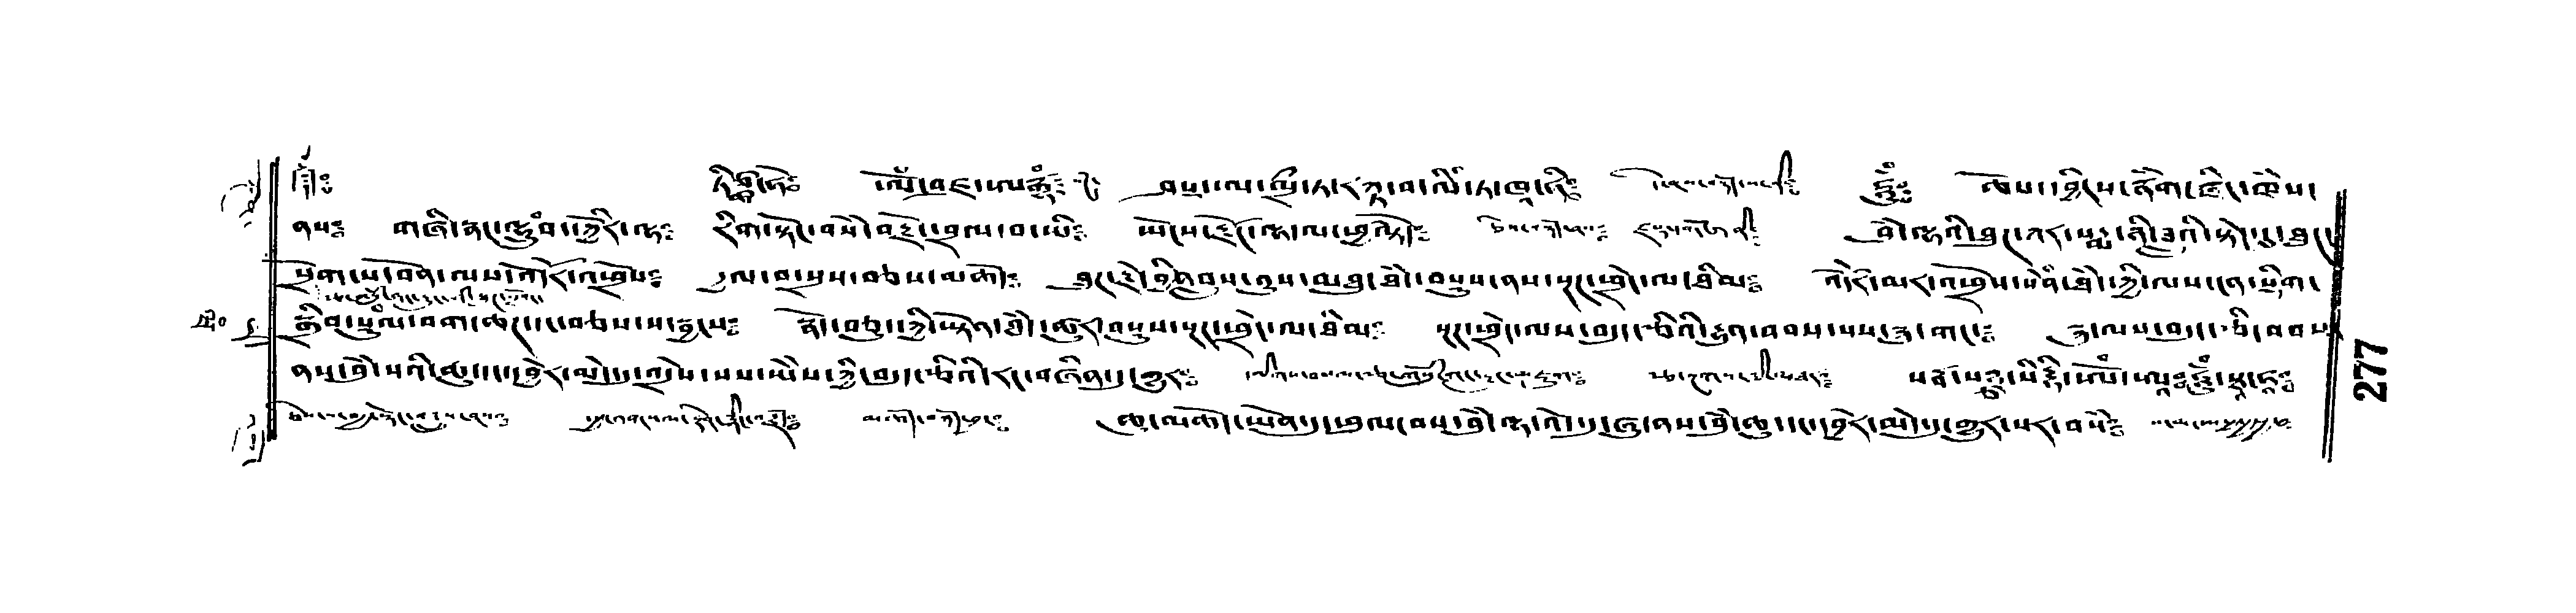ཏིཙྪ་ཧོཿ ཨོཾ་བཛྲ་ཨརྒྷཾ༴ སོགས༔ ཤཔྡ་ཨ་མྲྀ་ཏ་རཀྟ་བ་ལིཾ་ཏ་ཁཱ་ཧི༔ དེ་ནས་བསྟོད་པ་ནི༔ ཧཱུྃ༔ ཆོས་དབྱིངས་རྣམ་དག་ཞིང་ཁམས་
ནས༔གཞི་སྣང་ལྷུན་གྲུབ་དཀྱིལ་འཁོར་ལྷ༔ རིག་སྟོང་བསམ་བརྗོད་བྲལ་བ་ཡི༔ ཡོངས་རྫོགས་ལྷ་ལ་ཕྱག་འཚལ་བསྟོད༔ ཅེས་བསྟོད་ནས༔ འཛབ་དགོངས་ནི༔ བུམ་ལྷའི་ཐུགས་ཀར་པདྨ་ཉི་ཟླའི་སྟེང་དུ་ཐུགས་
སྲོག་ས་བོན་ལས་འོད་ཟེར་འཕྲོས༔ རྒྱལ་བ་སྲས་བཅས་མཆོད༔ ཐུགས་རྗེ་བྱིན་རླབས་ནུས་མཐུ་ཐམས་ཅད་བསྡུས་ནས་སྔགས་ཕྲེང་ལ་ཐིམ༔ འོད་ཟེར་མར་འཕྲོས་སེམས་ཅན་ཐམས་ཅད་ཀྱི་ལས་ངན་སྡིག་
སྒྲིབ་སྡུག་བསྔལ་བག་ཆགས་དང་བཅས་པ་སྦྱངས༔ སྣོད་བཅུད་ཀྱི་ཡོན་ཏན་ཐམས་ཅད་ཚུར་བསྡུས་སྔགས་ཕྲེང་ལ་ཐིམ༔ སྔགས་ཕྲེང་ལས་བདུད་རྩིའི་རྒྱུན་བབས་པས་སྐུ་གང༔ སྐུ་ལས་བདུད་རྩི་བབས་
ནས་བུམ་པའི་ཆུ་དང་དབྱེར་མེད་དུ་འདྲེས་པས་ཡེ་ཤེས་ཀྱི་བདུད་རྩིའི་རང་བཞིན་དུ་གྱུར༔ དམིགས་བསལ་རྩ་གསུམ་གང་རུང་འཇུག༔ རྩ་སྔགས་ཀྱི་མཐར༔ སརྦ་པཉྩ་སིདྡྷི་ཨོཾ་ཨཱཿཧཱུྃ་སྭཱ་ཧཱ༔ 
ཅེས་པ་བརྒྱ་སྟོང་བཟླས་ནས༔ དབྱངས་གསལ་རྟེན་སྙིང་བརྗོད༔ མཆོད་བསྟོད་བྱ༔ ཆུ་མཆོད་ཡོན་དུ་ཕུལ་བས་བུམ་ལྷ་འོད་དུ་ཞུ་ནས་བུམ་ཆུ་དང་དབྱེར་མེད་དུ་གྱུར་པར་བསམ༔ ས་མ་ཡ་རྒྱ་རྒྱ་རྒྱ༔